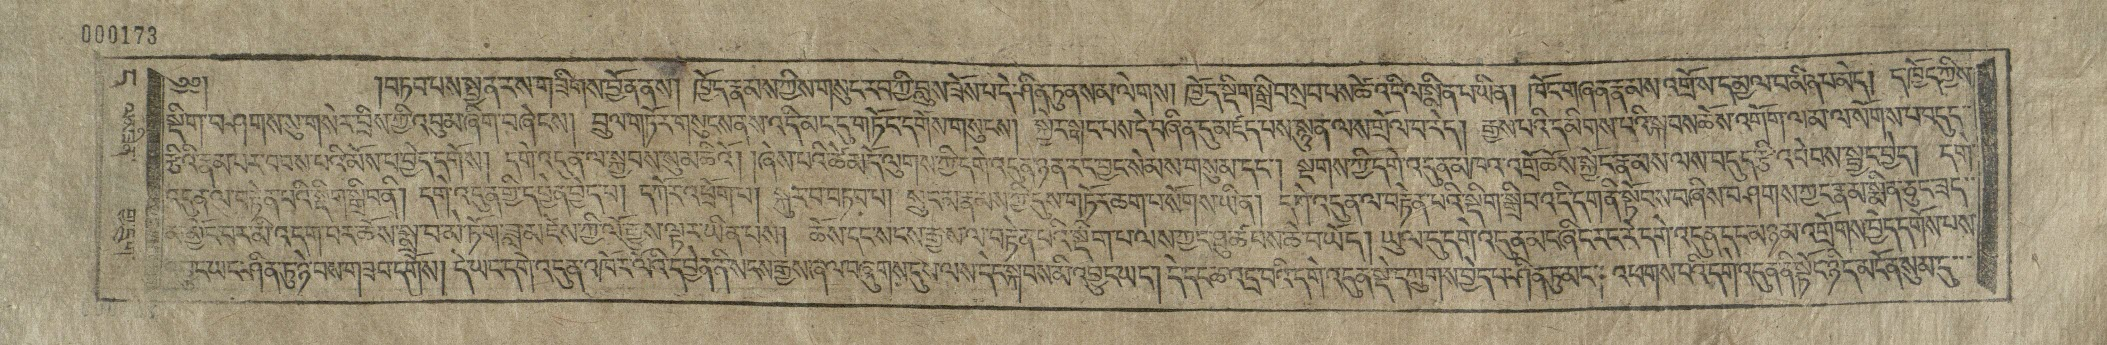༄༅། །བཏབ་པས་སྤྱན་རས་གཟིགས་བྱོན་ནས། ཁྱོད་རྣམས་ཀྱིས་གསུང་རབ་ཀྱི་བླུས་ཟོས་པ་དེ་ཤིན་ཏུ་ནས་མ་ལེགས། ཁྱོད་སྡིག་སྒྲིབ་སྲབ་པས་ཚེ་འདི་ལ་སྨིན་པ་ཡིན། ཁོང་གཞན་རྣམས་འགྲོ་ས་དམྱལ་བ་མིན་པ་མེད། ད་ཁྱོད་ཀྱིས་
སྡིག་བཤགས་སུ་གསེར་བྲིས་ཀྱི་འབུམ་ཞིག་བཞེངས། བྲུལ་གཏོར་གསུངས་ནས་འདི་མང་དུ་གཏོང་དགོས་གསུངས། སྐྱེར་སྒང་པས་དེ་བཞིན་དུ་མཛད་པས་སྙུན་ལས་གྲོལ་བ་རེད། རྒྱས་པའི་དམིགས་པའི་སྐབས་ཆོས་འགོག་ལམ་ལ་སོགས་པ་བདུད་
རྩིའི་རྣམ་པར་བབས་པའི་མོས་པ་བྱེད་དགོས། དགེ་འདུན་ལ་སྐྱབས་སུ་མཆིའོ། །ཞེས་པའི་ཚེ་མདོ་ལུགས་ཀྱི་དགེ་འདུན་ཉན་རང་བྱང་སེམས་གསུམ་དང་། སྔགས་ཀྱི་དགེ་འདུན་མཁའ་འགྲོ་ཆོས་སྐྱོང་རྣམས་ལས་བདུད་རྩི་འབེབས་སྦྱང་བྱེད། དགེ་
འདུན་ལ་བརྟེན་པའི་སྡིག་སྒྲིབ་ནི། དགེ་འདུན་གྱི་དབྱེན་བྱེད་པ། དཀོར་འཕྲོག་པ། སྐུར་བ་བཏབ་པ། སྲུང་མ་རྣམས་ཀྱི་དུས་གཏོར་ཆག་པ་སོགས་ཡིན། དགེ་འདུན་ལ་བརྟེན་པའི་སྡིག་སྒྲིབ་འདི་དག་ནི་སྟོབས་བཞིས་བཤགས་ཀྱང་རྣམ་སྨིན་ཅུང་ཟད་
མ་མྱོང་བར་མི་འདག་པར་ཆོས་སྨྲ་བ་མེ་ཏོག་ཟླ་མཛེས་ཀྱི་ལོ་རྒྱུས་ལྟར་ཡིན་པས། ཆོས་དང་སངས་རྒྱས་ལ་བརྟེན་པའི་སྡིག་པ་ལས་ཀྱང་ཐུ་ཚབས་ཆེ་བ་ཡོད། ཡུལ་དུ་དགེ་འདུན་མང་ཞིང་རང་རེ་དགེ་འདུན་དང་མཉམ་འགྲོགས་བྱེད་དགོས་པས་
འབྱུང་ཡང་ཤིན་ཏུ་ཉེ་བས་གཟབ་དགོས། དེ་ཡང་དགེ་འདུན་འཁོར་ལོའི་དབྱེན་ནི་སངས་རྒྱས་ཞལ་བཞུགས་དུས་ལས་དེང་སྐབས་མི་འབྱུང་ཡང་། དེ་དང་ཆ་འདྲ་བའི་དགེ་འདུན་སྡེ་དཀྲུགས་བྱེད་པ་ཤིན་ཏུ་མང་། འཕགས་པའི་དགེ་འདུན་ནི་སྟོང་ཉིད་མངོན་སུམ་དུ་